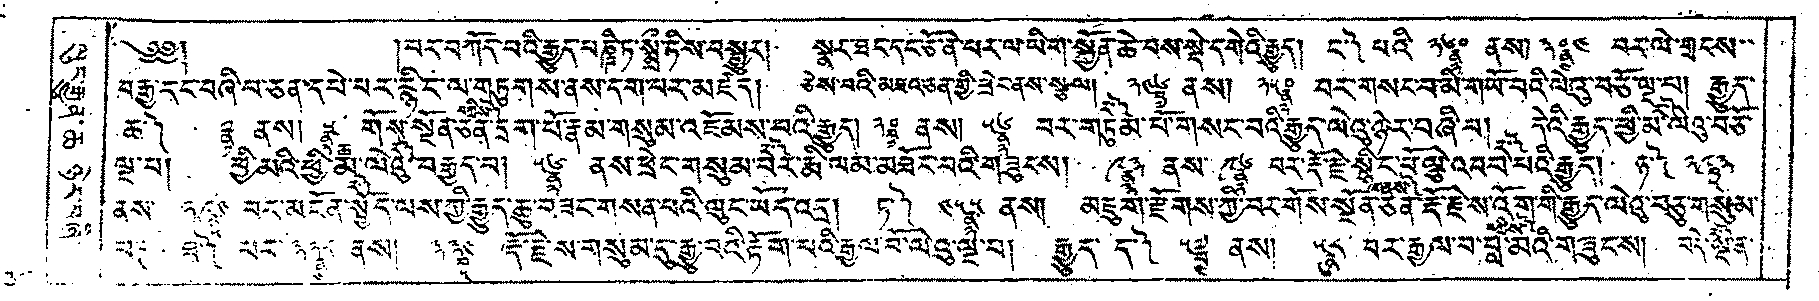༄༅། །པར་བཀོད་པའི་རྒྱུད་པཎྜི་ཏ་སྨྲྀ་ཏིས་བསྒྱུར། སྣར་ཐང་དང་ཅོ་ནེ་པར་ལ་ཡིག་སྐྱོན་ཆེ་བས་སྡེ་དགེའི་རྒྱུད། ང}་པའི ༢༦༠་ན ༢་ནས། ༣༠༤་ན ༤་བར་ལེ་གྲངས་
བརྒྱ་དང་བཞི་པ་ཅན་དཔེ་པར་རྙིང་ལ་གཏུགས་ནས་དག་པར་མཛད། ཅེས་པའི་མཐའ་ཅན་གྱི་ཕྲེང་ནས་སྩལ།  ༢༤༦་བ ༧་ནས། ༢༥༠་ན ༢་བར་གསང་བ་མི་གཡོ་བའི་ལེའུ་བཅོ་ལྔ་པ། རྒྱུད་
ཆ} ༡་ན ༡་ནས། ༥་ན ༢་ཆ་གོས་སྔོན་ཅན་བཀྲིས}་དྲག་པོ་རྣམ་གསུམ་འཇོམས་པའི་རྒྱུད། ༢༠་བ ༧་ནས། ༥༦་ན ༢་བར་གཏུམ་རོ}་པོ་གསང་བའི་རྒྱུད་ལེའུ་ཉེར་བཞི་པ། དེའི་རྒྱུད་ཕྱི་མ་ར}་ལེའུ་བཅོ་
ལྔ་པ། ཕྱི་མའི་ཕྱི་མ་ར}་ལེའུ་བརྒྱད་པ། ༥༦་ན ༢་ནས་ཕྲེང་གསུམ་བར་ར}་རྨི་ལམ་མཐོང་བའི་གཟུངས། ༩༣་ན ༣་ནས ༩༦་ན ༢་བར་དྲོ་རྗེ་སྙིང་པོ་ལྕེ་འབབ་པའི་རྒྱུད། ཉ} ༢༩༣་བ ༥
ནས ༢༩༤་ན ༥་བར་མངོན་སྤྱོད་ལས་ཀྱི་རྒྱུད་ཆུ་བཟང་གསན་པའི་ལུང་ཡོད་འདྲ། ཏ} ༤༥༥་ན ༢་ནས། མཇུག་རྫོགས་ཀྱི་བར་གོས་སྔོན་ཅན་གནས}་རྡོ་རྗེ་ས་འོག་གི་རྒྱུད་ལེའུ་བཅུ་གསུམ་
པ༑ ཐོ}་པར ༣༢༨་ན ༤་ནས། ༣༣༤་བ ༥་རྡོ་རྗེ་གསུམ་དུ་རྒྱུ་བའི་རྟོག་པའི་རྒྱལ་པོ་ལེའུ་ལྔ་པ། རྒྱུད་ད} ༥༧་བ ༤་ནས། ༥༨་ན ༦་བར་རྒྱལ་བ་བླ་མའི་གཟུངས། བདེ་ལྡན་